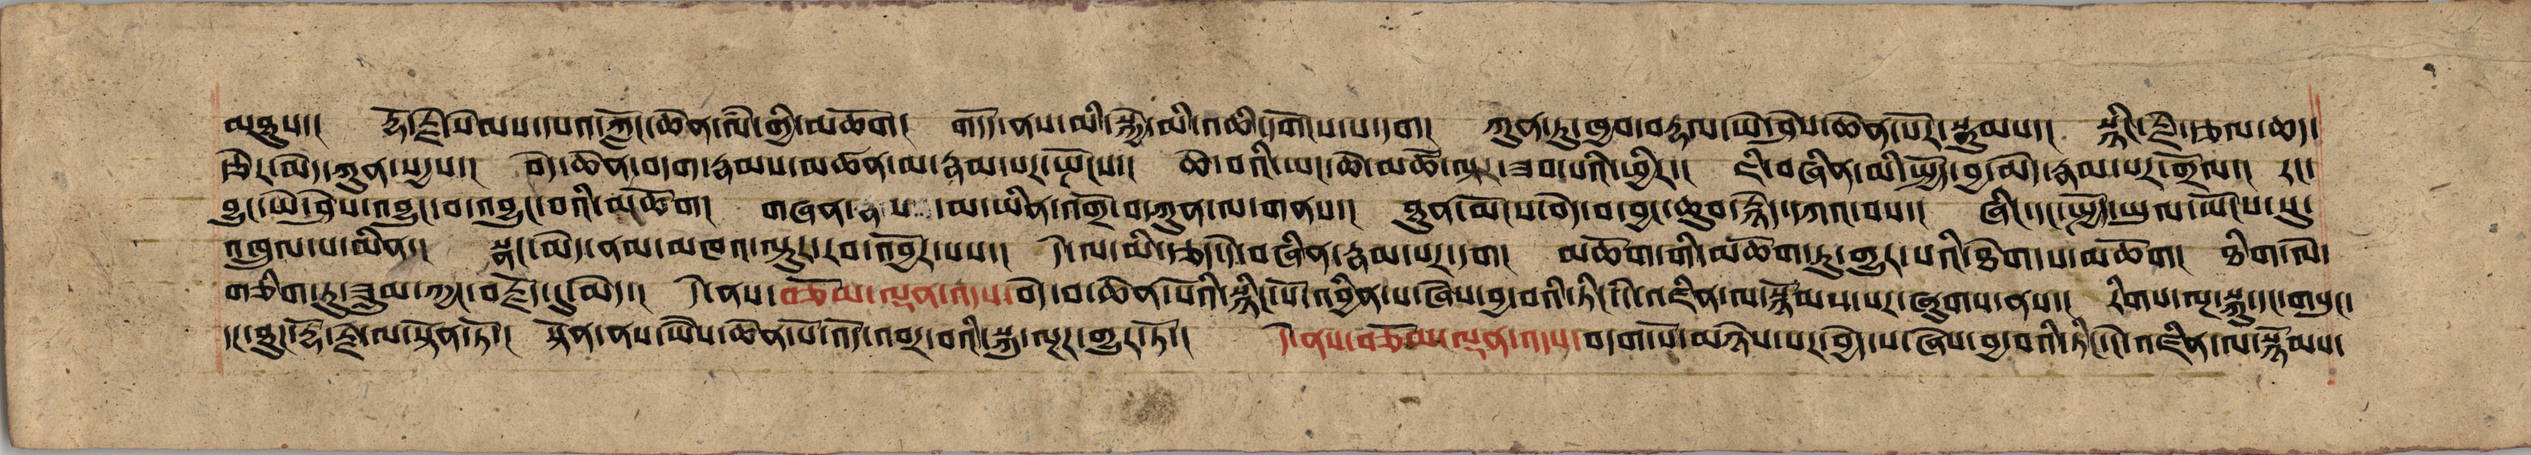མཐུས་། རྡོ་རྗཻ་སེམས་དཔའ་ཀློང་ཆེན་ལཾ་གྱི་མཆོག། གདོད་ནས་མི་སྐྱེ་མི་འཆི་དགོངས་པ་དག། ཀུན་ཏུ་ཁྱབ་བརྡལ་ཡེ་ཤེས་ཆེན་པོར་སྣུམས་། སྙིང་རྗེ་རྩལ་ཆད་
་ཅེར་མེད་ཀུན་སདྱས་། བདེ་ཆེན་བདག་རྣམས་མཚན་མ་རྣམ་པར་སྤོངས་། ཆེ་བའི་ཡང་ཆེ་མཚོ་ལྟར་ཟབ་པའི་ཕྱིར་། ཇི་བཞིན་མི་སྤྱོད་བྱ་མེད་རྣམ་པར་གྲོལ་། རང་
བྱུང་ཡེ་ཤེས་འབྱུང་བ་འབྱུང་བའི་མཆོག། གཞན་རྣམས་མ་ཡིན་འགྲོ་བ་་ཀུན་ལ་གནས་། ཐུན་མོངས་བདེ་བ་བྱང་ཆུབ་རྙེད་དཀའ་བས་། ཞིང་དང་སྤྱོད་ཡུལ་ཡོངས་སུ་
འཁྲུལ་པ་མིན་། སྣང་མེད་ནམ་མཁའ་ལྟུར་རབ་འབྱོར་པས་། དེ་ལ་མི་རྩད་དེ་བཞིན་རྣམ་པར་དག། མཆོག་གི་མཆོག་ཏུ་གྱུར་པའི་ཐེག་པ་མཆོག། ཐིག་ལེ་
གཅིག་ཏུ་ཟླུམ་ཀྱང་བརྗོད་དུ་མེད་། དེ་ནས་བཅོམ་ལྡན་འདས་བདེ་བ་ཆེན་པོའི་སྙིང་པོ་འབྱིན་པ་ཞེས་བྱ་བའི་ཏིང་ངེ་འཛིན་ལ་སྙོམས་པར་ཞུགས་ནས་། རིགས་ལྔ་སྐུ་དང་གསུང་
དང་ཐུཌ་རྡོ་རྗེ་ལ་སྟོན་ཏོ་། སྟོན་ནས་ཡཻས་ཆེན་པོ་འོད་འབར་བའི་སྐུ་ལྔར་གྱུར་ཏོ་། དེ་ནས་བཅོམ་ལྡན་འདས་བདག་པོ་མཉེས་པར་བྱེད་པ་ཞེས་བྱ་བའི་ཏིང་ངེ་འཛིན་ལ་སྙོམས་